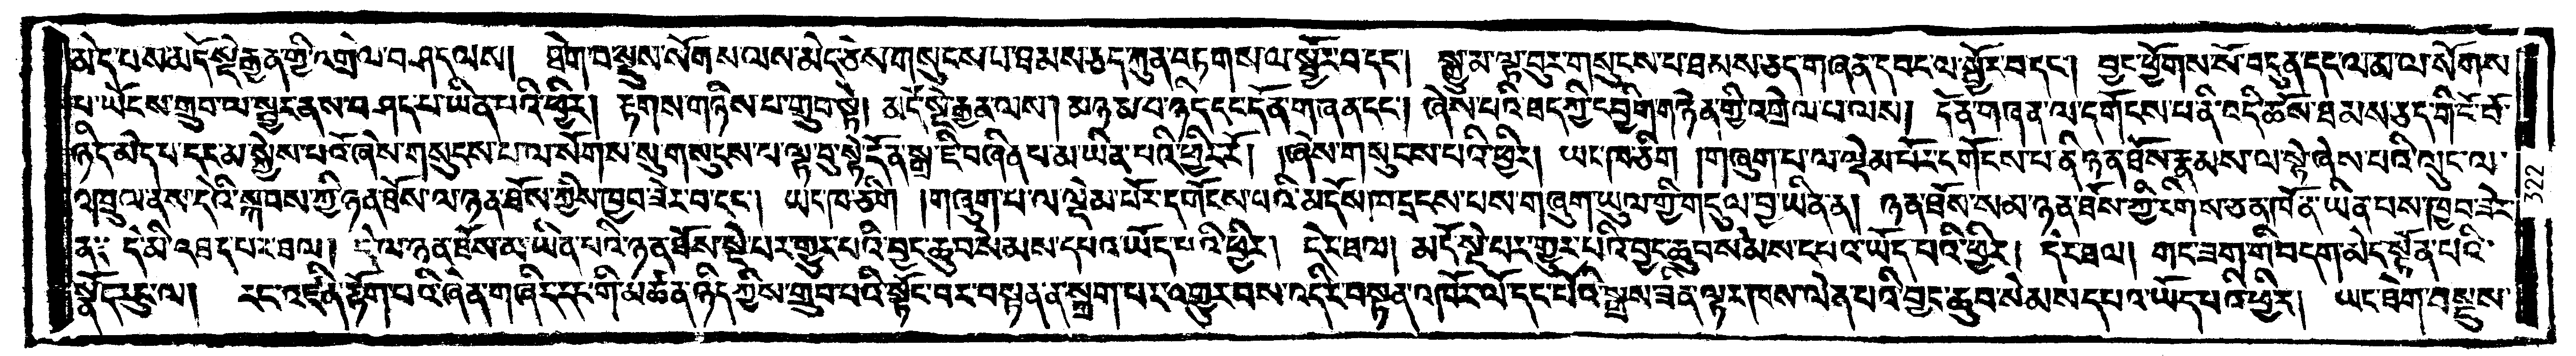མེད་པས་མདོ་སྡེ་རྒྱན་གྱི་འགྲེལ་བཤད་ལས། ཐེག་བསྡུས་སོགས་ལས་མེད་ཅེས་གསུངས་པ་ཐམས་ཅད་ཀུན་བཏགས་ལ་སྦྱོར་བ་དང་། སྒྱུ་མ་ལྟ་བུར་གསུངས་པ་ཐམས་ཅད་གཞན་དབང་ལ་སྦྱོར་བ་དང་། བྱང་ཕྱོགས་སོ་བདུན་དང་ལམ་ལ་སོགས་
པ་ཡོངས་གྲུབ་ལ་སྦྱར་ནས་བཤད་པ་ཡིན་པའི་ཕྱིར། རྟགས་གཉིས་པ་གྲུབ་སྟེ། མདོ་སྡེ་རྒྱན་ལས། མཉམ་པ་ཉིད་དང་དོན་གཞན་དང་། ཞེས་པའི་ཐད་ཀྱི་དབྱིག་གཉེན་གྱི་འགྲེལ་པ་ལས། དོན་གཞན་ལ་དགོངས་པ་ནི་འདི་ཆོས་ཐམས་ཅད་གི་ངོ་བོ་
ཉིད་མེད་པ་དང་མ་སྐྱེས་པའོ་ཞེས་གསུངས་པ་ལ་སོགས་སུ་གསུངས་པ་ལྟ་བུ་སྟེ་དོན་སྒྲ་ཇི་བཞིན་པ་མ་ཡིན་པའི་ཕྱིར་རོ། །ཞེས་གསུངས་པའི་ཕྱིར། ཡང་ཁ་ཅིག །གཞུག་པ་ལ་ལྡེམ་པོར་དགོངས་པ་ནི་ཉན་ཐོས་རྣམས་ལ་སྟེ་ཞེས་པའི་ལུང་ལ་
འཁྲུལ་ནས་དེའི་སྐབས་ཀྱི་ཉན་ཐོས་ལ་ཉན་ཐོས་ཀྱིས་ཁྱབ་ཟེར་བ་དང་། ཡང་ཁ་ཅིག །གཞུག་པ་ལ་ལྡེམ་པོར་དགོངས་པའི་མདོས་ཁ་དྲངས་པས་གཞུག་ཡུལ་གྱི་གདུལ་བྱ་ཡིན་ན། ཉན་ཐོས་སམ་ཉན་ཐོས་ཀྱི་རིགས་ཅན་ཁོ་ན་ཡིན་པས་ཁྱབ་ཟེར་
ན༑ དེ་མི་འཐད་པར་ཐལ། དེ་ལ་ཉན་ཐོས་མ་ཡིན་པའི་ཉན་ཐོས་སྡེ་པར་གྱུར་པའི་བྱང་ཆུབ་སེམས་དཔའ་ཡོད་པའི་ཕྱིར། དེར་ཐལ། མདོ་སྡེ་པར་གྱུར་པའི་བྱང་ཆུབ་སེམས་དཔའ་ཡོད་པའི་ཕྱིར། དེར་ཐལ། གང་ཟག་གི་བདག་མེད་སྟོན་པའི་
སྣོད་རུང་ལ། རང་འཛིན་རྟོག་པའི་ཞེན་གཞིར་རང་གི་མཚན་ཉིད་ཀྱིས་གྲུབ་པའི་སྟོང་བར་བསྟན་ན་སྐྲག་པར་འགྱུར་བས་འདིར་བསྟན་འཁོར་ལོ་དང་པོའི་སྒྲས་ཟིན་ལྟར་ཁས་ལེན་པའི་བྱང་ཆུབ་སེམས་དཔའ་ཡོད་པའི་ཕྱིར། ཡང་ཐེག་བསྡུས་